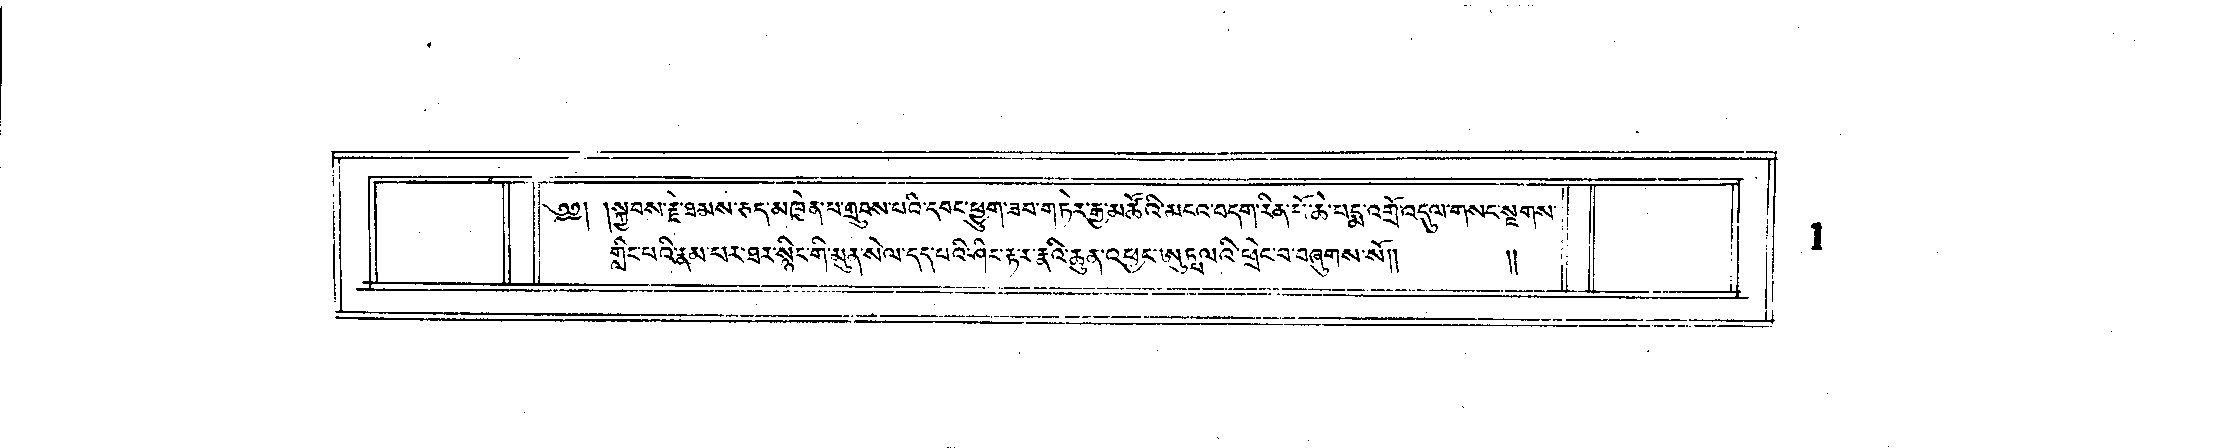༄༅།།སྐྱབས་རྗེ་ཐམས་ཅད་མཁྱེན་པ་གྲུབ་པའི་དབང་ཕྱུག་ཟབ་གཏེར་རྒྱ་མཚོའི་མངའ་བདག་རིན་པོ་ཆེ་པདྨ་འགྲོ་འདུལ་གསང་སྔགས་
གླིང་པའི་རྣམ་ཐར་སྙིང་གི་མུན་སེལ་དད་པའི་ཤིང་རྟ་རྣའི་ཆུན་འཕྱང་ཨུཏྤའི་ཕྲེང་བ་བཞུགས་སོ།། །།